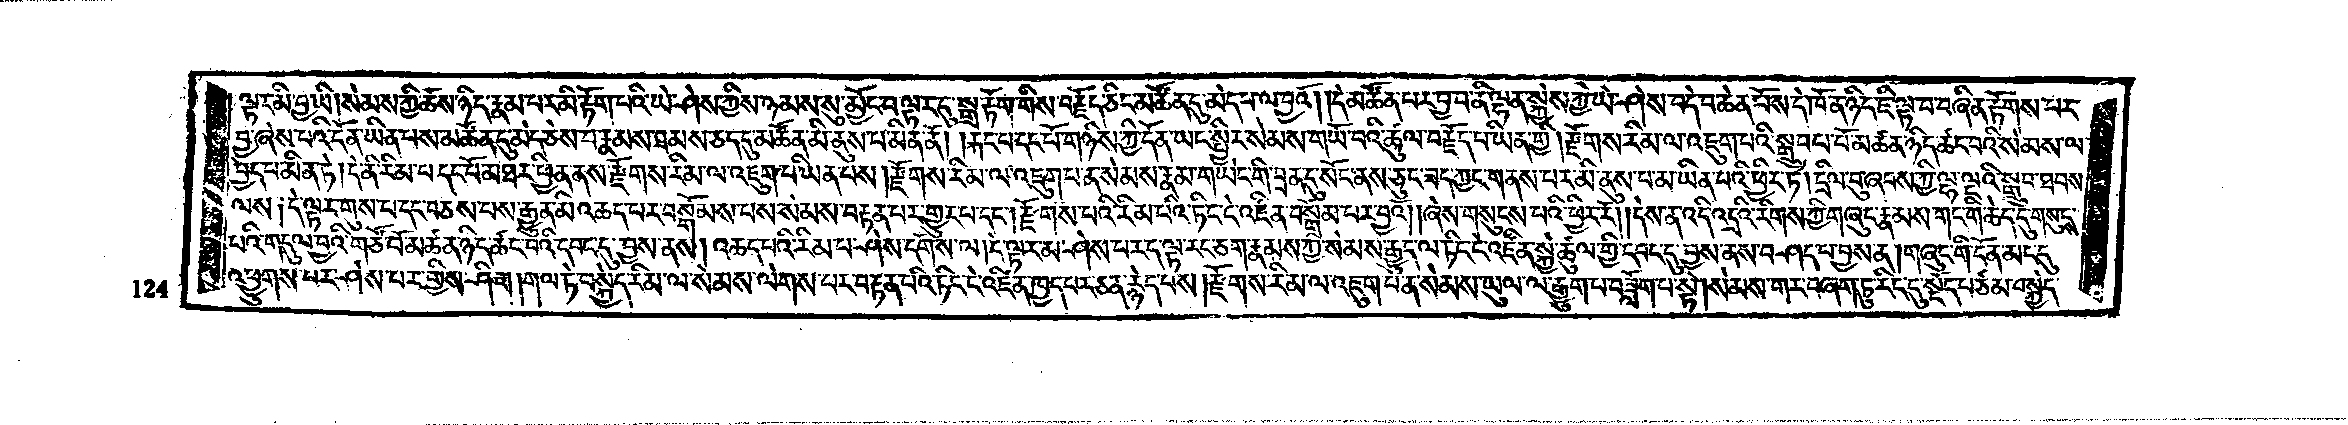ལྟར་མི་བྱ་ཡི། སེམས་ཀྱི་ཆོས་ཉིད་རྣམ་པར་མི་རྟོག་པའི་ཡེ་ཤེས་ཀྱིས་ཉམས་སུ་མྱོང་བ་ལྟར་དུ་སྒྲ་རྟོག་གིས་བརྗོད་ཅིང་མཚོན་དུ་མེད་པ་ལ་བྱའོ། །དེ་མཚོན་པར་བྱ་བ་ནི་ལྷན་སྐྱེས་ཀྱི་ཡེ་ཤེས་བདེ་བ་ཆེན་པོས་དེ་ཁོ་ན་ཉིད་ཇི་ལྟ་བ་བཞིན་རྟོགས་པར་
བྱ་ཞེས་པའི་དོན་ཡིན་པས་མཚོན་དུ་མེད་ཅེས་པ་རྣམས་ཐམས་ཅད་དུ་མཚོན་མི་ནུས་པ་མིན་ནོ། །རྐང་པ་དང་པོ་གཉིས་ཀྱི་དོན་ཡང་སྤྱིར་སེམས་གཡོ་བའི་ཚུལ་བརྗོད་པ་ཡིན་གྱི། རྫོགས་རིམ་ལ་འཇུག་པའི་སྒྲུབ་པ་པོ་མཚན་ཉིད་ཚང་བའི་སེམས་ལ་
བྱེད་པ་མིན་ཏེ། དེ་ནི་རིམ་པ་དང་པོ་མཐར་ཕྱིན་ནས་རྫོགས་རིམ་ལ་འཇུག་པ་ཡིན་པས། རྫོགས་རིམ་ལ་འཇུག་པ་ན་སེམས་རྣམ་གཡེང་གི་བྲན་དུ་སོང་ནས་ཅུང་ཟད་ཀྱང་གནས་པར་མི་ནུས་པ་མ་ཡིན་པའི་ཕྱིར་ཏེ། དྲིལ་བུ་ཞབས་ཀྱི་ལྷ་ལྔའི་སྒྲུབ་ཐབས་
ལས། དེ་ལྟར་གུས་པ་དང་བཅས་པས་རྒྱུན་མི་འཆད་པར་བསྒོམས་པས་སེམས་བརྟན་པར་གྱུར་པ་དང་། རྫོགས་པའི་རིམ་པའི་ཏིང་ངེ་འཛིན་བསྒྲོམ་པར་བྱའོ། །ཞེས་གསུངས་པའི་ཕྱིར་རོ། །དེས་ན་འདི་འདྲའི་རིགས་ཀྱི་གཞུང་རྣམས་གང་གི་ཆེད་དུ་གསུངས་
པའི་གདུལ་བྱའི་གཙོ་བོ་མཚན་ཉིད་ཚང་བའི་དབང་དུ་བྱས་ནས། འཆད་པའི་རིམ་པ་ཤེས་དགོས་ལ། དེ་ལྟར་མ་ཤེས་པར་ད་ལྟ་རང་ཅག་རྣམས་ཀྱི་སེམས་རྒྱུད་ལ་ཏིང་ངེ་འཛིན་སྐྱེ་ཚུལ་གྱི་དབང་དུ་བྱས་ནས་བཤད་པ་བྱས་ན། གཞུང་གི་དོན་མང་དུ་
འཕྱུགས་པར་ཤེས་པར་གྱིས་ཤིག །གལ་ཏེ་བསྐྱེད་རིམ་ལ་སེམས་ལེགས་པར་བརྟན་པའི་ཏིང་ངེ་འཛིན་ཁྱད་པར་ཅན་རྙེད་པས། རྫོགས་རིམ་ལ་འཇུག་པ་ན་སེམས་ཡུལ་ལ་རྒྱུག་པ་བཟློག་པ་སྟེ། སེམས་གར་བཞག་ཏུ་རིང་དུ་སྡོད་པ་ཙམ་བསྐྱེད་